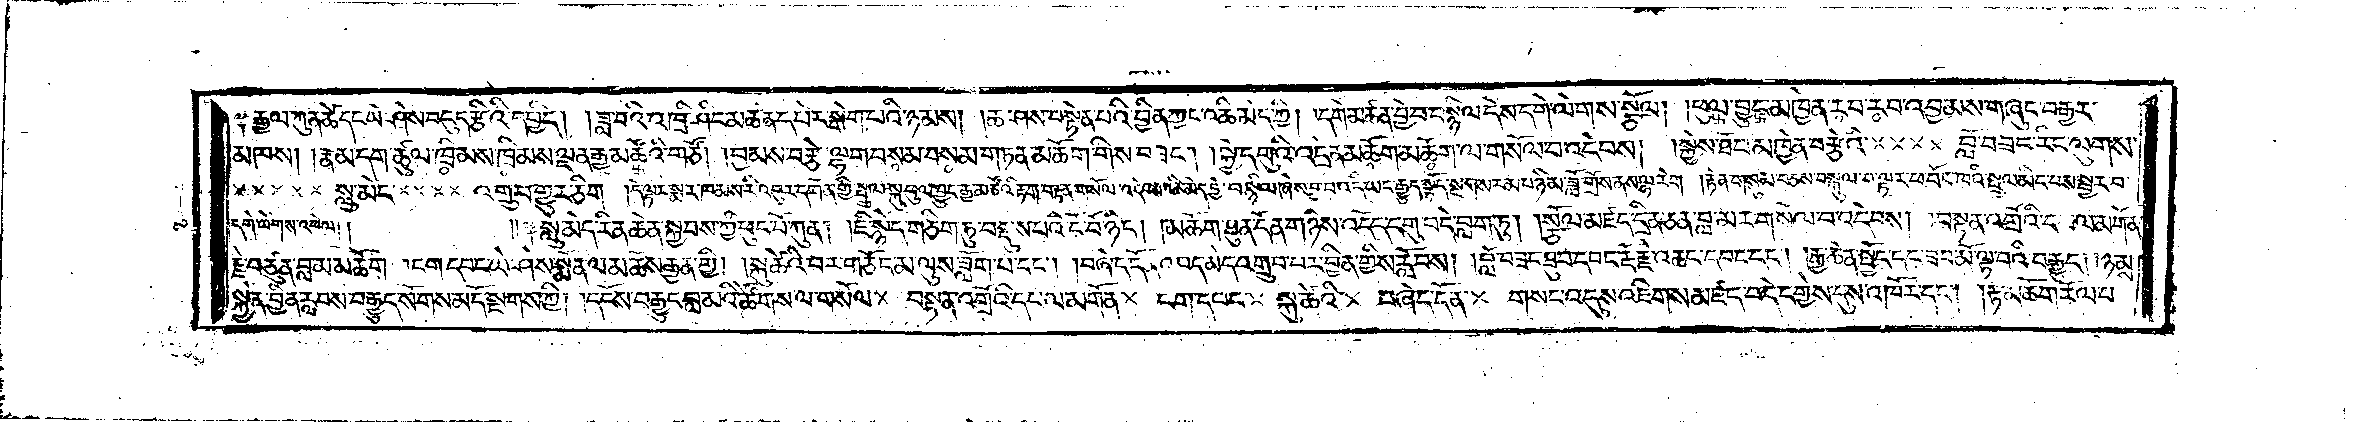༈ རྒྱལ་ཀུན་ཚེ་དང་ཡེ་ཤེས་བདུད་རྩིའི་དཔྱིད། །ཟླ་བའི་འཁྲི་ཤིང་མཚན་དཔེར་སྒེག་པའི་ཉམས། །ཆ་ཤས་བསྟེན་པའི་བྱིན་ཀྱང་འཆི་མེད་ཀྱི། །དགེ་མཚན་བྱེ་བ་བསྙིལ་དེས་དགེ་ལེགས་སྩོལ། །ཕུལ་བྱུང་མཁྱེན་རབ་རབ་འབྱམས་གཞུང་བརྒྱར་
མཁས། །རྣམ་དག་ཚུལ་ཁྲིམས་ཁྲིམས་ལྡན་རྒྱ་མཚོའི་གཙོ། །བྱམས་བརྩེ་ལྷག་བསམ་བསམ་གཏན་མཆོག་གིས་བཟང་། །སྐྱེ་དགུའི་འདྲེན་མཆོག་མཆོག་ལ་གསོལ་བ་འདེབས། །སྐྱེས་ཐོབ་མཁྱེན་བརྩེའི་྾྾྾་བློ་བཟང་རིང་ལུགས་
྾྾྾་སླུ་མེད་྾྾྾་འགྲུབ་གྱུར་ཅིག །དེ་ལྟར་སྨར་ཁམས་རི་འབུར་དགོན་གྱི་སྤྲུལ་སྐུ་ཕུལ་བྱུང་རྒྱ་མཚོའི་རྟག་བརྟན་གསོལ་འདེབས་འཆི་མེད་བྱེ་བ་སྙིལ་ཞེས་བྱ་བ་འདི་ཡང་རྒྱུད་སྟོད་སྔགས་རམ་པ་ཉི་མ་ཟློ་གྲོས་ནས་ལྷ་རེག །རྟེན་གསུམ་བཅས་བསྐུལ་བ་ལྟར་ཕ་བོང་ཁའི་སྤྲུལ་མིང་བས་སྦྱར་བ་
དགེ་ལེགས་འཕེལ།། །། ༈ སླུ་མེད་རིན་ཆེན་སྐྱབས་ཀྱི་ཕུང་པོ་ཀུན། །ཇི་སྙེད་གཅིག་ཏུ་བསྡུས་པའི་ངོ་བོ་ཉིད། །མཆོག་ཐུན་དོན་གཉིས་འདོད་དགུ་བདེ་བླག་ཏུ། །སྩོལ་མཛད་དྲིན་ཅན་བླ་མར་གསོལ་བ་འདེབས། །བསྟན་འགྲོའི་དཔལ་མགོན་
རྗེ་བཙུན་བླ་མ་མཆོག །ངག་དབང་ཡེ་ཤེས་སྨོན་ལམ་ཆོས་རྒྱན་གྱི། །སྐུ་ཚེའི་བར་གཅོད་མ་ལུས་ཟློག་པ་དང་། །བཞེད་དོན་འབད་མེད་འགྲུབ་པར་བྱིན་གྱིས་རློབས། །བློ་བཟང་ཐུབ་དབང་རྡོ་རྗེ་འཆང་དབང་དང་། །རྒྱ་ཆེན་སྤྱོད་དང་ཟབ་མོ་ལྟ་བའི་བརྒྱུད། །ཉམས་
ལེན་བྱིན་རླབས་བརྒྱུད་སོགས་མདོ་སྔགས་ཀྱི། །དངོས་བརྒྱུད་བླ་མའི་ཚོགས་ལ་གསོལ་྾་བསྟན་འགྲོའི་དཔལ་མགོན་྾་ངག་དབང་྾་སྐུ་ཚེའི་྾་བཞེད་དོན་྾་གསང་འདུས་འཇིགས་མཛད་བདེ་དགྱེས་དུས་འཁོར་དང་། །རྟ་མཆོག་རོལ་བ་